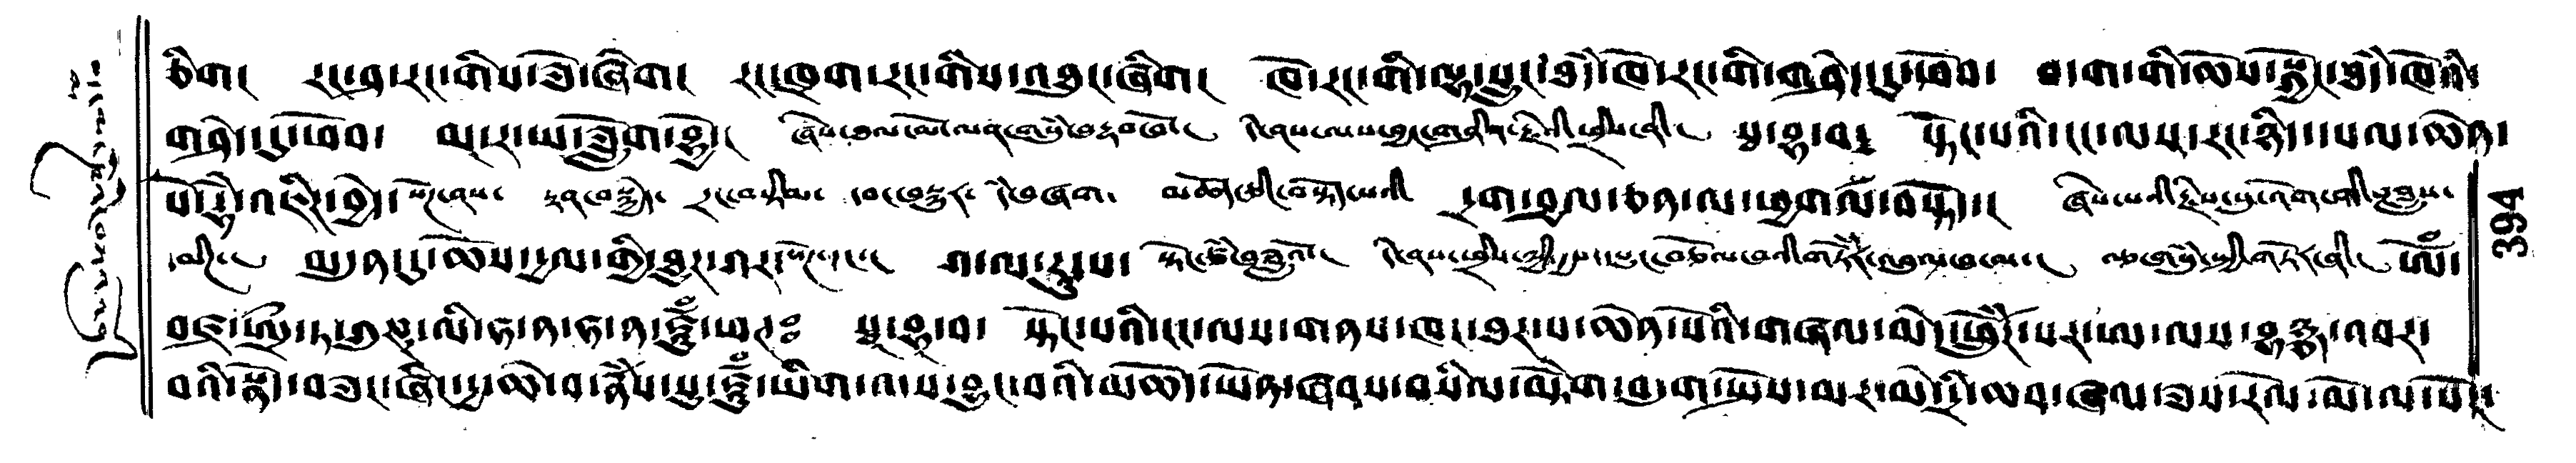ཅིག རང་ཤ་རང་གིས་ཟོ་ཞིག རང་ཁྲག་རང་གིས་འཐུང་ཞིག ཁོ་རང་གི་ལྷ་སྲུང་ཐམས་ཅད་ཁོ་རང་གི་གཤེད་དུ་ཕོབ། བདག་གི་ཆོས་སྐྱོང་ཐམས་ཅད་ཁོའི་
གཤེད་དུ་ཕོབ། མཱ་ར་ཡ་ཟློག་བྷྱོ། ཞེས་ཐལ་མོ་ལན་གསུམ་བརྡབ་བོ། དེ་ནས་ལས་བྱང་གཤིན་རྗེའི་ཕྲིན་ལས་ནི། སྭ་བྷ་བ༴ སྟོང་པའི་ངང་ལས་རང་ཉིད་དཔལ་ཆེན་
པོ་རྡོ་རྗེ་འཇིགས་བྱེད་སོགས་ནས་བརྟེན་བསྐྱེད། དྲང་བསྟིམ། དབང་བསྐུར། དམ་བཞག མཆོད་ཅིང་བསྟོད་པའི། དྲག་ཤུལ་ཅན་ལ་ཕྱག་འཚལ་བསྟོད། ཞེས་པའི་རྗེས་སུ་འོག་གི་བཟླས་
དམིགས། མདུན་དུ་ཆོས་རྒྱལ་གྱི་ཐུགས་ཀར་སོགས་དང་། ཀ་ལ་རཱུ་པ་སྟོང་ཙམ་བཟླའོ། དེ་ནས་ཕྲིན་ལས་ཀྱི་རྒྱབ་དཔུང་བཅོལ་བའི་གཏོར་མ་འབུལ་བ་ལ། རྩ་གསུམ་སྤྱི་གཏོར་ནི། ཨོཾ་
བཛྲ་ཨ་མྲི་ཏ་ཀུཎྜ་ལི་ཧ་ན་ཧ་ན་ཧཱུྃ་ཕཊཿ སྭ་བྷཱ་བ༴སྟོང་པའི་ངང་ལས་གནས་ཁང་ཐར་པ་ཆེན་པོའི་གཞལ་མེད་ཁང་ཕུན་སུམ་ཚོགས་པར་ཨ་ལས་བྷཉྩ་འབར་
བའི་སྣོད་བཟང་ཞིང་རྒྱ་ཆེ་བ་རྣམས་སུ་ཧཱུྃ་ཡིག་ལས་བྱུང་བའི་མཆོད་ཡོན་ཞབས་བསིལ་མེ་ཏོག་བདུག་སྤོས་མར་མེ་དྲི་ཆབ་ཞལ་ཟས་རོལ་མོ་ལ་སོགས་